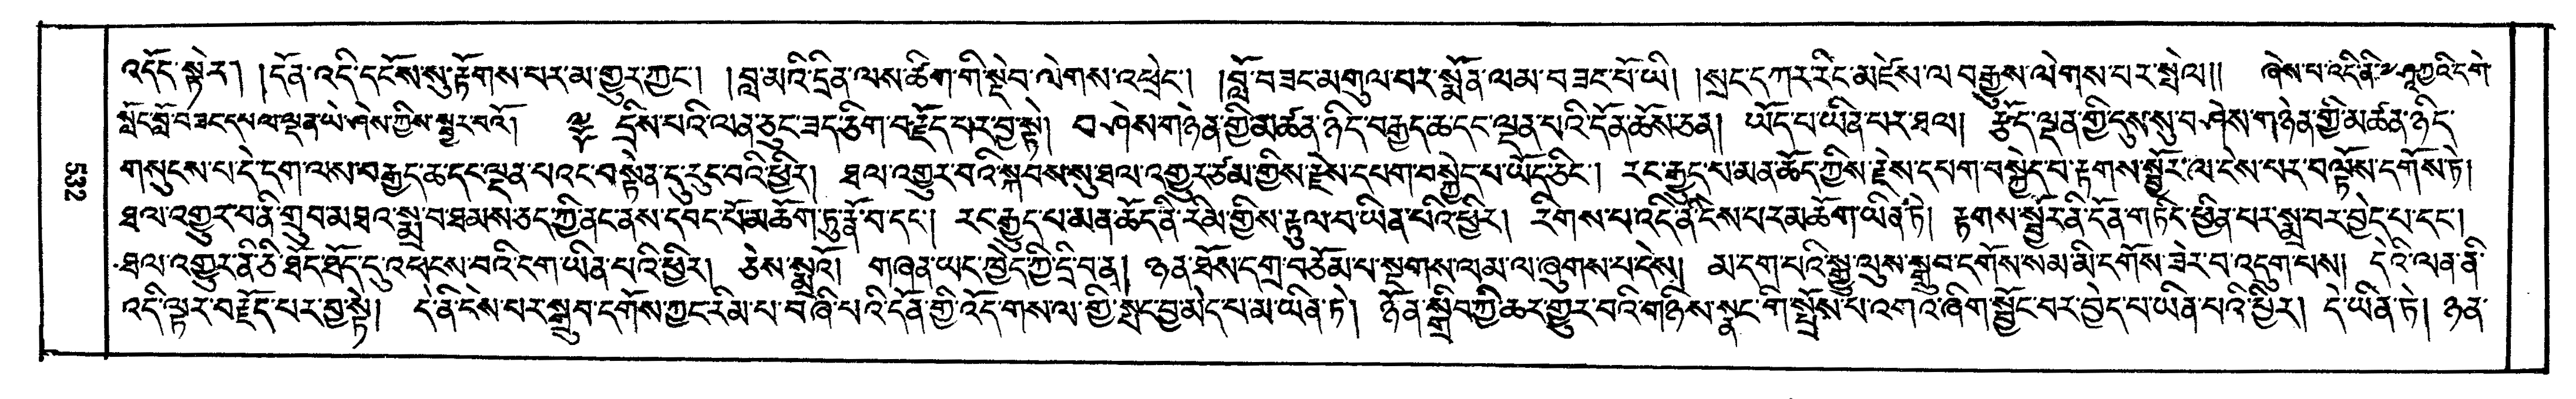འདོད་སྟེར། །དོན་འདི་དངོས་སུ་རྟོགས་པར་མ་གྱུར་ཀྱང་། །བླ་མའི་དྲིན་ལས་ཚིག་གི་སྡེབ་ལེགས་འཕྲེང་། །བློ་བཟང་མགུལ་པར་སྨོན་ལམ་བཟང་པོ་ཡི། །སྲད་དཀར་རིང་མཛེས་ལ་བརྒྱུས་ལེགས་པར་སྤེལ།། ཞེས་པ་འདི་ནི་༧་ཤཱཀྱའི་དགེ་
སློང་བློ་བཟང་དཔལ་ལྡན་ཡེ་ཤེས་ཀྱིས་སྦྱར་བའོ།། ༈ དྲིས་པའི་ལན་ཅུང་ཟད་ཅིག་བརྗོད་པར་བྱ་སྟེ། བཤེས་གཉེན་གྱི་མཚན་ཉིད་བརྒྱད་ཆ་དང་ལྡན་པའི་དོན་ཆོས་ཅན། ཡོད་པ་ཡིན་པར་ཐལ། རྩོད་ལྡན་གྱི་དུས་སུ་བཤེས་གཉེན་གྱི་མཚན་ཉིད་
གསུངས་པ་དེ་དག་ལས་བརྒྱད་ཆ་དང་ལྡན་པའང་བསྟེན་དུ་རུང་བའི་ཕྱིར། ཐལ་འགྱུར་བའི་སྐབས་སུ་ཐལ་འགྱུར་ཙམ་གྱིས་རྗེས་དཔག་བསྐྱེད་པ་ཡོད་ཅིང་། རང་རྒྱུད་པ་མན་ཆོད་ཀྱིས་རྗེས་དཔག་བསྐྱེད་པ་རྟགས་སྦྱོར་ལ་ངེས་པར་བལྟོས་དགོས་ཏེ།
ཐལ་འགྱུར་བ་ནི་གྲུབ་མཐའ་སྨྲ་བ་ཐམས་ཅད་ཀྱི་ནང་ནས་དབང་པོ་མཆོག་ཏུ་རྣོ་བ་དང་། རང་རྒྱུད་པ་མན་ཆོད་ནི་རིམ་གྱིས་རྟུལ་བ་ཡིན་པའི་ཕྱིར། རིགས་པ་འདི་ནི་ངེས་པར་མཆོག་ཡིན་ཏེ། རྟགས་སྦྱོར་ནི་དོན་གཏིང་ཕྱིན་པར་སྨྲ་བར་བྱེད་པ་དང་།
ཐལ་འགྱུར་ནི་ཅི་ཐོད་ཐོད་དུ་འཕངས་པའི་ངག་ཡིན་པའི་ཕྱིར། ཅེས་སྨྲའོ། །གཞན་ཡང་ཁྱེད་ཀྱི་དྲི་བ་ན། ཉན་ཐོས་དགྲ་བཅོམ་པ་སྔགས་ལམ་ལ་ཞུགས་པ་དེས། མ་དག་པའི་སྒྱུ་ལུས་སྒྲུབ་དགོས་སམ་མི་དགོས་ཟེར་བ་འདུག་པས། དེའི་ལན་ནི་
འདི་ལྟར་བརྗོད་པར་བྱ་སྟེ། དེ་ནི་ངེས་པར་སྒྲུབ་དགོས་ཀྱང་རིམ་པ་བཞི་པའི་དོན་གྱི་འོད་གསལ་གྱི་སྤང་བྱ་མེད་པ་མ་ཡིན་ཏེ། ཉོན་སྒྲིབ་ཀྱི་ཆར་གྱུར་པའི་གཉིས་སྣང་གི་སྤྲོས་པ་འགའ་ཞིག་སྦྱོང་བར་བྱེད་པ་ཡིན་པའི་ཕྱིར། དེ་ཡིན་ཏེ། ཉན་